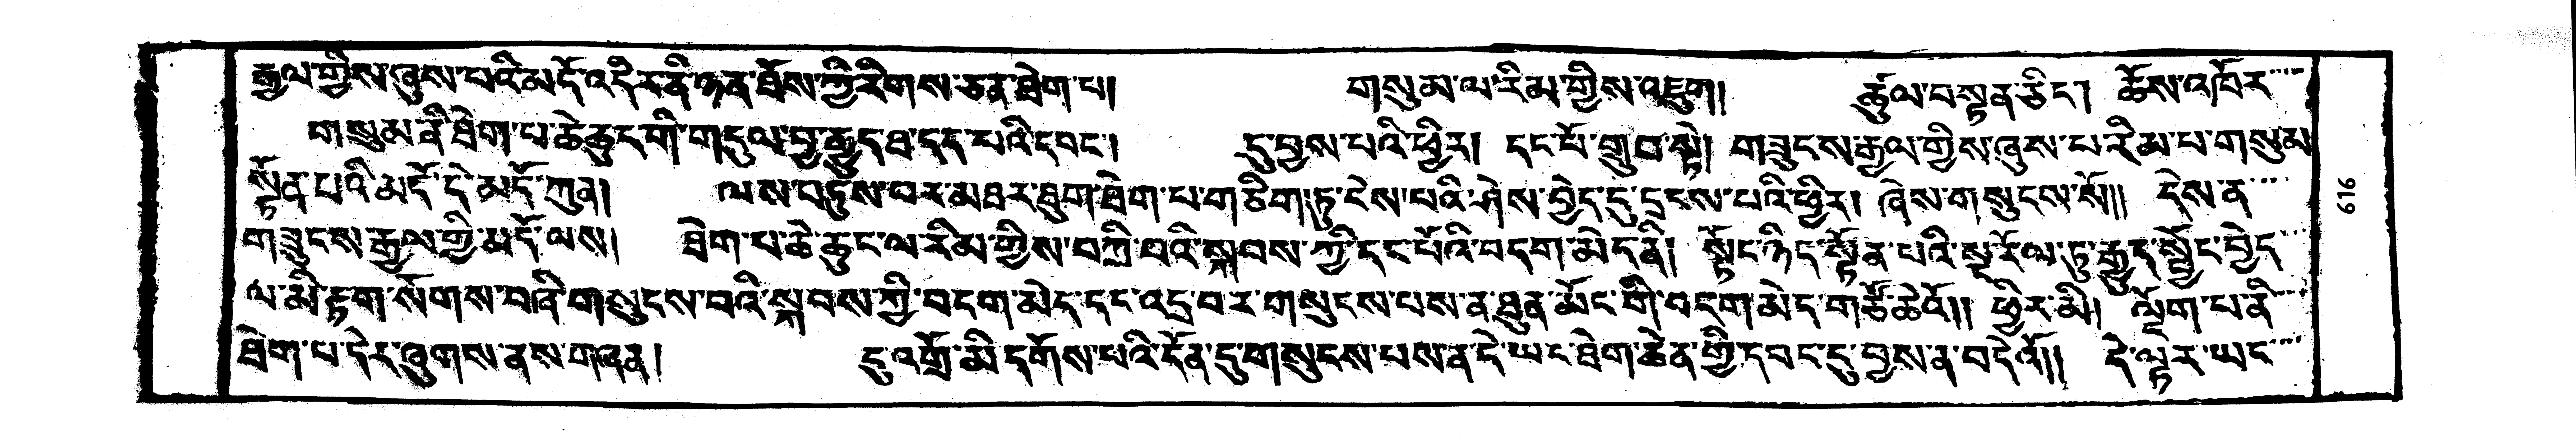རྒྱལ་གྱིས་ཞུས་པའི་མདོ་འདིར་ནི་ཉན་ཐོས་ཀྱི་རིགས་ཅན་ཐེག་པ། གསུམ་ལ་རིམ་གྱིས་འཇུག། ཚུལ་བསྟན་ཅིང་། ཆོས་འཁོར་
གསུམ་ནི་ཐེག་པ་ཆེ་ཆུང་གི་གདུལ་བྱ་རྒྱུད་ཐ་དད་པའི་དབང་། དུ་བྱས་པའི་ཕྱིར། དང་པོ་གྲུབ་སྟེ། གཟུངས་རྒྱལ་གྱིས་ཞུས་པ་རིམ་པ་གསུམ་
སྟོན་པའི་མདོ་དེ་མདོ་ཀུན། ལས་བཏུས་པར་མཐར་ཐུག་ཐེག་པ་གཅིག་ཏུ་ངེས་པའི་ཤེས་བྱེད་དུ་དྲངས་པའི་ཕྱིར། ཞེས་གསུངས་སོ།། དེས་ན་
གཟུངས་རྒྱལ་གྱི་མདོ་ལས། ཐེག་པ་ཆེ་ཆུང་ལ་རིམ་གྱིས་བཀྲི་བའི་སྐབས་ཀྱི་དང་པོའི་བདག་མེད་ནི། སྟོང་ཉིད་སྟོན་པའི་སྔ་རོལ་ཏུ་རྒྱུད་སྦྱོང་བྱེད་
ལ་མི་རྟག་སོགས་བཞི་གསུངས་པའི་སྐབས་ཀྱི་བདག་མེད་དང་འདྲ་བར་གསུངས་པས་ན་ཐུན་མོང་གི་བདག་མེད་གཙོ་ཆེའོ།། ཕྱིར་མི། ལྡོག་པ་ནི་
ཐེག་པ་དེར་ཞུགས་ནས་གཞན། དུ་འགྲོ་མི་དགོས་པའི་དོན་དུ་གསུངས་པས་ན་དེ་ཡང་ཐེག་ཆེན་གྱི་དབང་དུ་བྱས་ན་བདེའོ།། དེ་ལྟར་ཡང་